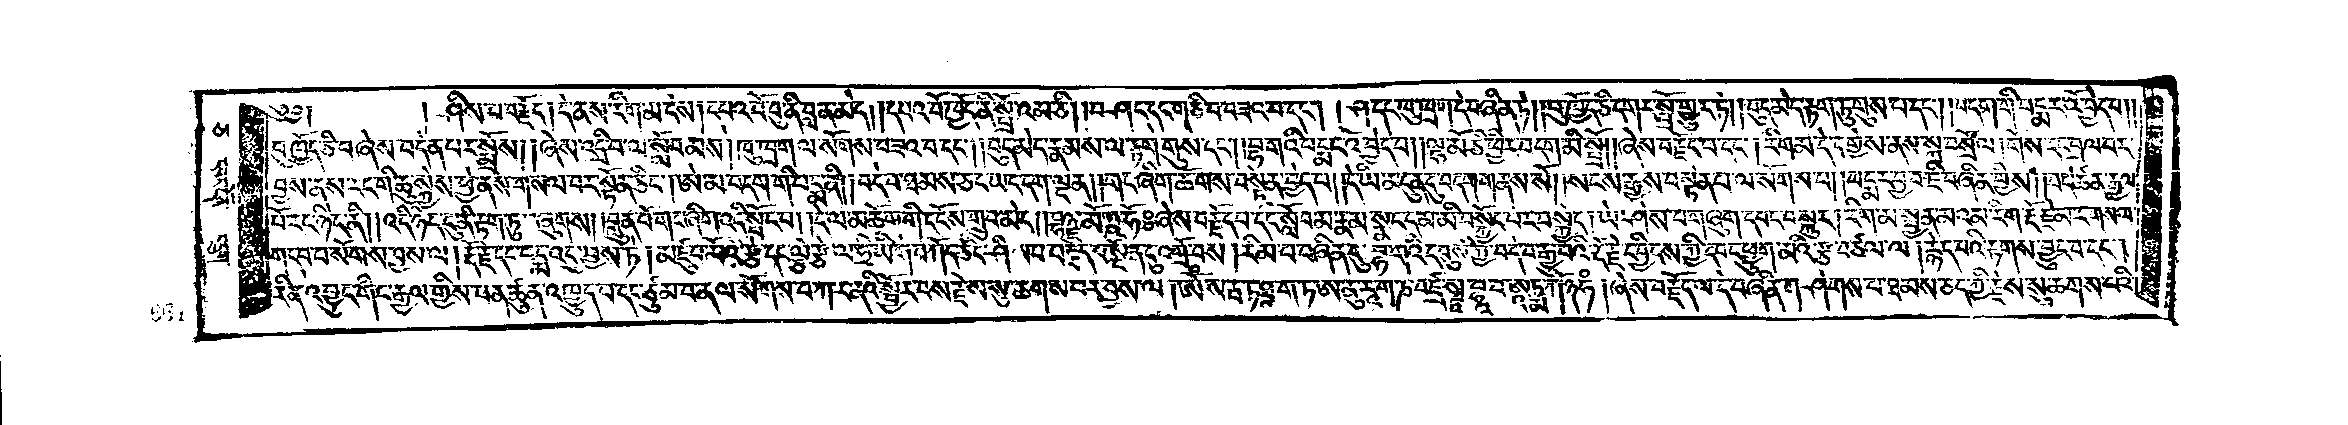༄༅། །ཤིས་པ་བརྗོད། དེ་ནས་རིག་པ་ངེས། དཔའ་བོ་བུ་ནི་བླ་ན་མེད། །དཔའ་བོ་ཁྱོད་ནི་སྤྲོ་འམ་ཅི། །བཤད་དང་གཅི་བ་བཟའ་བ་དང་། །ཤ་དང་ཁུ་ཁྲག་དེ་བཞིན་ཏེ། །བུ་ཁྱོད་ཅི་དགར་སྤྲོ་གྱུར་ཏེ། །བུད་མེད་རྟག་ཏུ་གུས་པ་དང་། །བདག་གི་པདམར་འོ་བྱེད་པ། །
བུ་ཁྱོད་ཅི་བཞེས་བདེན་པར་སྨྲོས། །ཞེས་འདྲི་བ་ལ་སློབ་མས། ཁུ་ཁྲག་ལ་སོགས་བཟའ་བ་དང་། །བུད་མེད་རྣམས་ལ་རྟག་གུས་དང་། །བྷ་གའི་པདམར་འོ་བྱེད་པ། །ལྷ་མོ་ཅི་ཕྱིར་བདག་མི་སྤྲོ། །ཞེས་བརྗོད་པ་དང་། རིག་མ་དེ་དགྱེས་ནས་སྐྲ་བཀྲོལ། གོས་དང་བྲལ་བར་
བྱས་ནས་རང་གི་ཆུ་སྐྱེས་ཕྱེ་ནས་གསལ་བར་སྟོན་ཅིང་། ཨེ་མ་བདག་གི་པདམ་ནི། །བདེ་བ་ཐམས་ཅད་ཡང་དག་ལྡན། །གང་ཞིག་ཆོ་གས་བསྟེན་བྱེད་པ། །དེ་ཡི་མདུན་དུ་བདག་གནས་སོ། །སངས་རྒྱས་བསྟེན་པ་ལ་སོགས་པ། །པདམར་བྱ་བ་ཇི་བཞིན་གྱིས། །བདེ་ཚན་རྒྱལ་
པོ་རང་ཉིད་ནི། །འདི་ཉིད་དུ་ནི་རྟག་ཏུ་ཞུགས། །བླུན་པོ་གང་ཞིག་འདི་སྤོང་བ། །དེ་ལ་མཆོག་གི་དངོས་གྲུབ་མེད། །བྷཉྫ་མོཀྵ་ཧོཿ ཞེས་བརྗོད་པ་དང་སློབ་མ་རྣམ་སྣང་དམ་མི་བསྐྱོད་པར་བསྐྱེད། ཡེ་ཤེས་པ་གཞུག་དབང་བསྐུར། རིག་མ་སྤྱན་མའམ་རིག་རྡོ་རྗེ་མར་གསལ་
གདབ་པ་སོགས་བྱས་ལ། རྡོ་རྗེ་དང་པདམ་འདུ་བྱས་ཏེ། མཛུབ་མོའི་རྩེ་དང་ལྕེ་རྩེ་ལ་ཧྲི་ཡིག་བཀོད་ཅིང་ཤིམ་པ་བརྗོད་པ་སྔོན་དུ་འགྲོ་བས། རིམ་པ་བཞིན་དུ་བྷ་གའི་དབུས་ཀྱི་བདེ་བ་རྒྱུ་བའི་རྡོ་རྗེ་དབྱིངས་ཀྱི་དབང་ཕྱུག་མའི་རྩ་བཙལ་ལ། རྙེད་པའི་རྟགས་བྱུང་བ་དང་།
རིན་འབྱུང་གི་ང་རྒྱལ་གྱིས་ཕན་ཚུན་འཁྱུད་པ་དང་ཙུམ་པ་ནལ་སོགས་པ་ཀ་ར་ནའི་སྦྱོར་བས་རྗེས་སུ་ཆགས་པར་བྱས་ལ། ཨོཾ་སརྦ་ཏ་ཐཱ་ག་ཏ་ཨ་ནུ་རཱ་ག་ཎ་བཛྲ་སྭཱ་བྷཱ་བ་ཨཱཏྨ་ཀོཉྷཾ། ཞེས་བརྗོད་ལ་དེ་བཞིན་གཤེགས་པ་ཐམས་ཅད་ཀྱི་རྗེས་སུ་ཆགས་པའི་